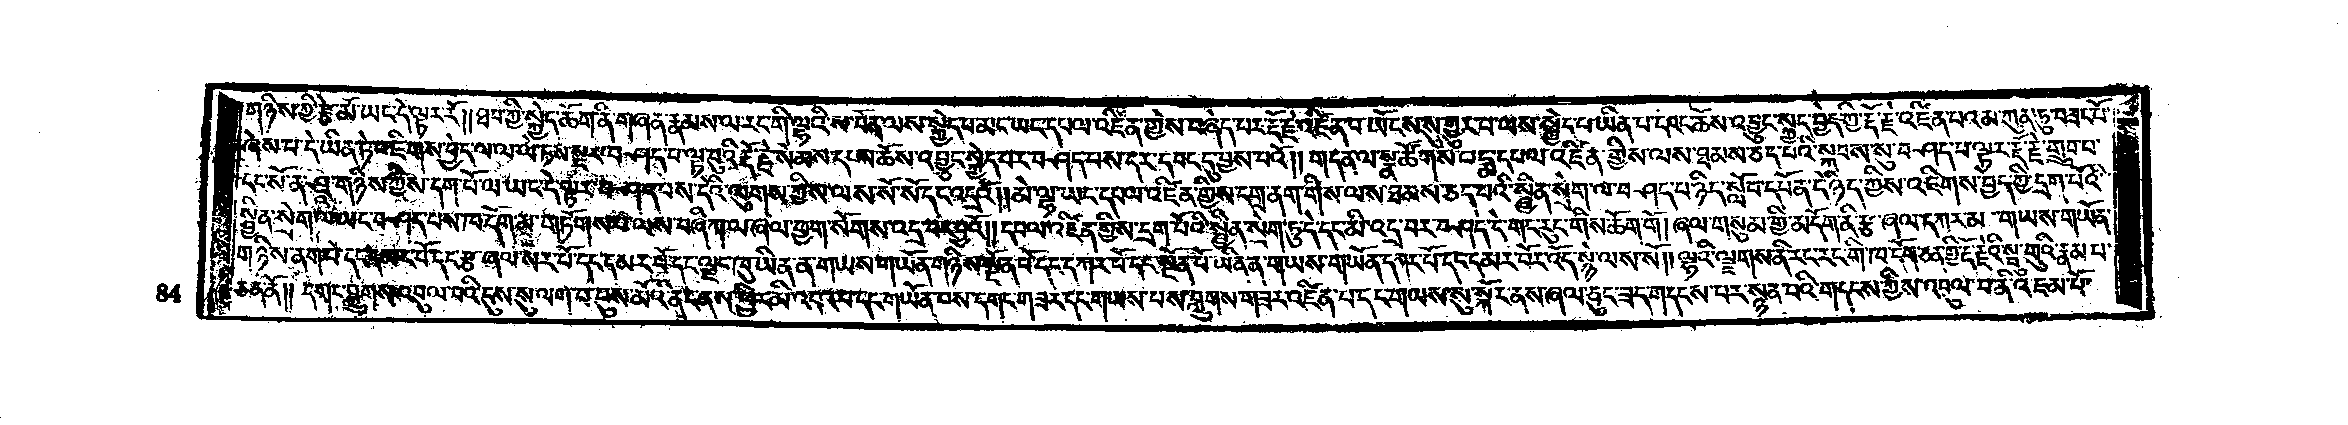གཉིས་ཀྱི་རྩེ་མོ་ཡང་དེ་ལྟར་རོ། །ཐབ་ཀྱི་སྐྱེད་ཆོག་ནི་གཞན་རྣམས་ལ་རང་གི་ལྷའི་ས་བོན་ལས་སྐྱེད་པ་མང་ཡང་དཔལ་འཛིན་གྱིས་བཞེད་པར་རྡོ་རྗེ་འཛིན་པ་ཡོངས་སུ་གྱུར་པ་ལས་སྐྱེད་པ་ཡིན་པ་དབང་ཆོས་འབྱུང་སྐྱད་བྱེད་ཀྱི་རྡོ་རྗེ་འཛིན་པའམ་ཀུན་ཏུ་བཟང་པོ་
ཞེས་པ་དེ་ཡིན་ཏེ་འཇིགས་བྱེད་ལ་ལ་ལེ་ཏས་སྔར་བཤད་པ་ལྟ་བུའི་རྡོ་རྗེ་སེམས་དཔས་ཆོས་འབྱུང་སྐྱེད་པར་བཤད་པས་དར་དབང་དུ་བྱས་པའོ། །གདན་ལ་སྣ་ཚོགས་པདམ་དཔལ་འཛིན་གྱིས་ལས་ཐམས་ཅད་པའི་སྐབས་སུ་བཤད་པ་ལྟར་རྡོ་རྗེ་གྲུབ་པ་
དང་སོ་ན་ཤྲཱ་གཉིས་ཀྱིས་དག་པོ་ལ་ཡང་དེ་ལྟར་བཤད་པས་དེའི་ལུགས་ཀྱིས་ལས་སོ་སོ་དང་འདྲའོ། །མེ་ལྷ་ཡང་དཔལ་འཛིན་གྱིས་དགྲ་ནག་གིས་ལས་ཐམས་ཅད་པའི་སྦྱིན་སྲེག་ལ་བཤད་པ་ཉིད་སློབ་དཔོན་དེ་ཉིད་ཀྱིས་འཇིགས་བྱེད་ཀྱི་དྲག་པོའི་
སྦྱིན་སྲེག་ལ་ཡང་བཤད་པས་ཁ་དོག་མ་གཏོགས་པ་ལས་བཞི་ཀ་ལ་ཞལ་ཕྱག་སོགས་འདྲ་བར་བྱའོ། །དཔལ་འཛིན་གྱིས་དྲག་པོའི་སྦྱིན་སྲེག་ཏུ་དེ་དང་མི་འདྲ་བར་བཤད་དེ་གང་རུང་གིས་ཆོག་གོ །ཞལ་གསུམ་གྱི་མདོག་ནི་རྩ་ཞལ་དཀར་མ་གཡས་གཡོན་
གཉིས་ནག་པོ་དང་དམར་པོ་དང་རྩ་ཞལ་སར་པོ་དང་དམར་པོ་དང་ལྗང་ཁུ་ཡིན་ན་གཡས་གཡོན་གཉིས་སྔོན་པོ་དང་དཀར་པོ་དང་སྔོན་པོ་ཡིན་ན་གཡས་གཡོན་དཀར་པོ་དང་དམར་པོར་འོད་སྙེ་ལས་སོ། །ལྷའི་ལྗགས་ནི་རང་རང་གི་ཁ་དོག་ཅན་གྱི་རྡོ་རྗེའི་སྦུ་གུའི་རྣམ་པ་
ཅན་ནོ། །དགང་བླུགས་འབུལ་བའི་དུས་སུ་ལག་པ་པུས་མོའི་ནང་ནས་ཕྱིར་མི་འདའ་བ་དང་གཡོན་པས་དགང་གཟར་དང་གཡས་པས་བླུགས་གཟར་འཛིན་པ་དང་གཡས་སུ་སྐོར་ནས་ཞལ་ཅུང་ཟད་གདངས་པར་སྙན་པའི་གདངས་ཀྱིས་འབུལ་བ་ནི་འཇམ་པོ་